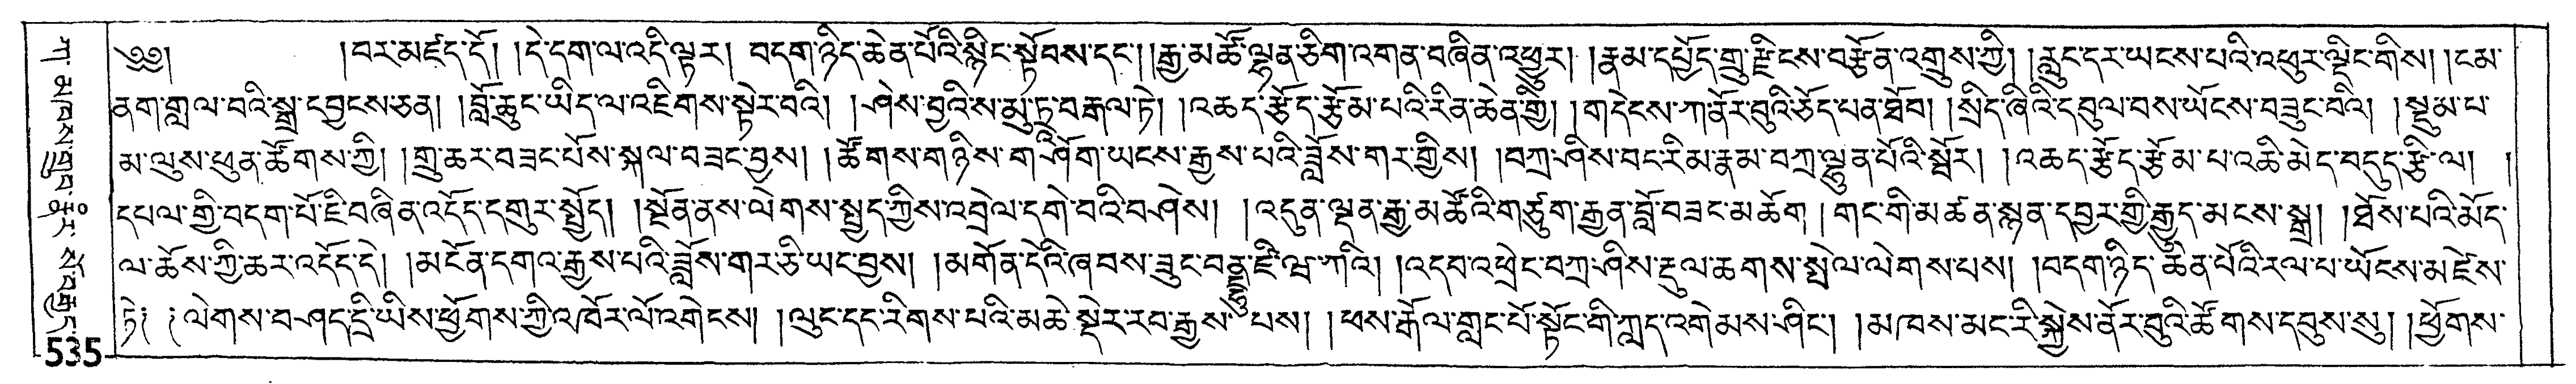༄༅། །བར་མཛད་དོ། །དེ་དག་ལ་འདི་ལྟར། བདག་ཉིད་ཆེན་པོའི་སྙིང་སྟོབས་དང་། །རྒྱ་མཚོ་ལྷན་ཅིག་འགན་བཞིན་འཕྱུར། །རྣམ་དཔྱོད་གྲུ་རྫིངས་བརྩོན་འགྲུས་ཀྱི། །རླུང་དར་ཡངས་པའི་འཕུར་ལྡིང་གིས། །ངམ་
ནག་གླལ་བའི་སྒྲ་དབྱངས་ཅན། །བློ་ཆུང་ཡིད་ལ་འཇིགས་སྟེར་བའི། །ཤེས་བྱའི་ས་མུ་ཏྲཱ་བརྒལ་ཏེ། །འཆད་རྩོད་རྩོམ་པའི་རིན་ཆེན་གྱི། །གདེངས་ཀ་ནོར་བུའི་ཅོད་པན་ཐོབ། །སྲིད་ཞིའི་དབུལ་བས་ཡོངས་བཟུང་བའི། །སྡུམ་པ་
མ་ལུས་ཕུན་ཚོགས་ཀྱི། །གྲུ་ཆར་བཟང་པོས་སྐལ་བཟང་བྱས། །ཚོགས་གཉིས་གཤོག་ཡངས་རྒྱས་པའི་ཟློས་གར་གྱིས། །བཀྲ་ཤིས་བང་རིམ་རྣམ་བཀྲ་ལྷུན་པོའི་སྦོར། །འཆད་རྩོད་རྩོམ་པ་འཆི་མེད་བདུད་རྩི་ལ། །
དཔལ་གྱི་བདག་པོ་ཇི་བཞིན་འདོད་དགུར་སྤྱོད། །སྔོན་ནས་ལེགས་སྤྱད་ཀྱིས་འབྲེལ་དགེ་བའི་བཤེས། །འདུན་ལྡན་རྒྱ་མཚོའི་གཙུག་རྒྱན་བློ་བཟང་མཆོག །གང་གི་མཚན་སྙན་དབྱར་གྱི་རྒྱུད་མངས་སྒྲ། །ཐོས་པའི་མོད་
ལ་ཆོས་ཀྱི་ཆར་འདོད་དེ། །མངོན་དགའ་རྒྱས་པའི་ཟློས་གར་ཅི་ཡང་བྱས། །མགོན་དེའི་ཞབས་ཟུང་བནྡྷུ་ཛི་ཝ་ཀའི། །འདབ་འཕྲེང་བཀྲ་ཤིས་རྡུལ་ཆགས་སྤེལ་ལེགས་པས། །བདག་ཉིད་ཆེན་པོའི་རལ་པ་ཡོངས་མཛེས་
ཏེ༑ ༑ལེགས་བཤད་དྲི་ཡིས་ཕྱོགས་ཀྱི་འཁོར་ལོ་འགེངས། །ལུང་དང་རིགས་པའི་མཆེ་སྡེར་རབ་རྒྱས་པས། །ཕས་རྒོལ་གླང་པོ་སྟོང་གི་ཀླད་འགེམས་ཤིང་། །མཁས་མང་རི་སྐྱེས་ནོར་བུའི་ཚོགས་དབུས་སུ། །ཕྱོགས་